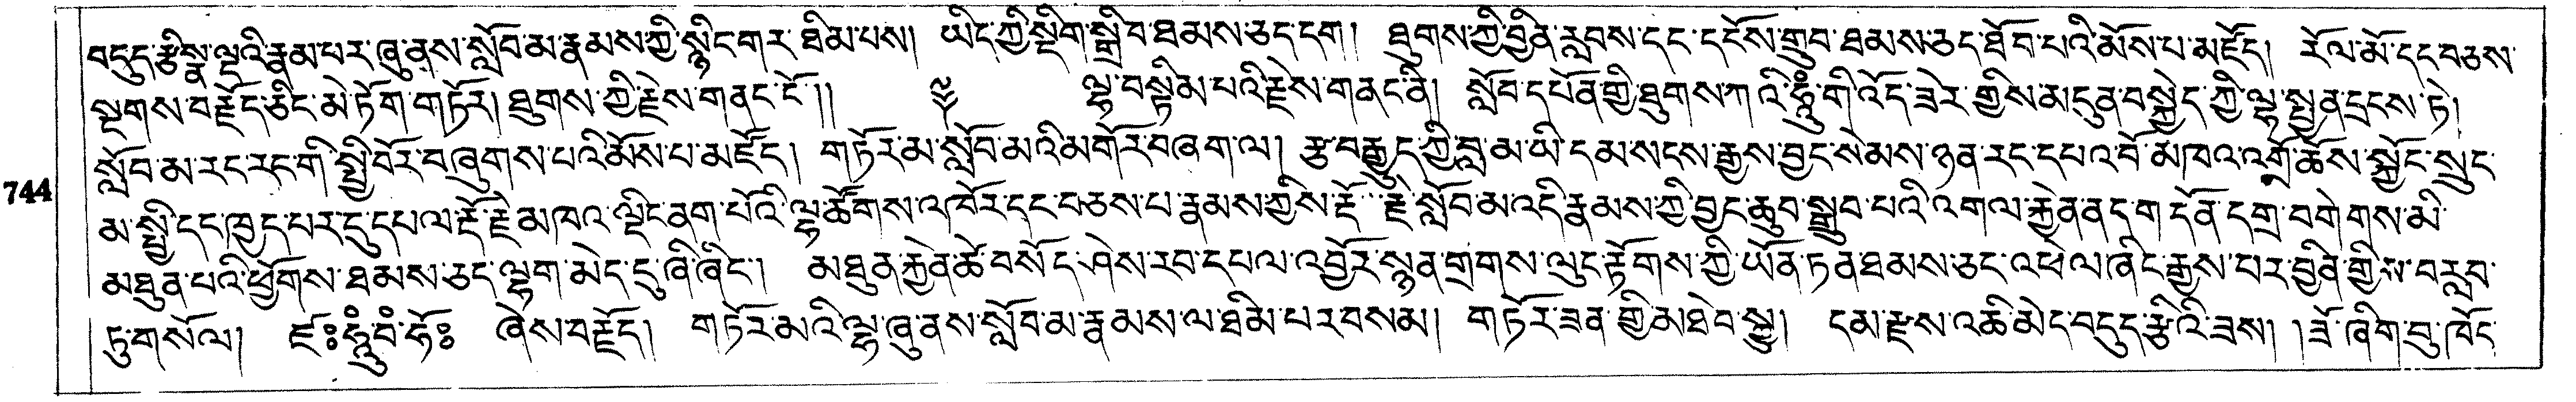བདུད་རྩི་སྣ་ལྔའི་རྣམ་པར་ཞུ་ནས་སློབ་མ་རྣམས་ཀྱི་སྙིང་གར་ཐིམ་པས། ཡིད་ཀྱི་སྡིག་སྒྲིབ་ཐམས་ཅད་དག །ཐུགས་ཀྱི་བྱིན་རླབས་དང་དངོས་གྲུབ་ཐམས་ཅད་ཐོབ་པའི་མོས་པ་མཛོད། རོལ་མོ་དང་བཅས་
སྔགས་བརྗོད་ཅིང་མེ་ཏོག་གཏོར། ཐུགས་ཀྱི་རྫེས་གནང་ངོ།། ༈ ལྷ་བསྟིམ་པའི་རྗེས་གནང་ནི། སློབ་དཔོན་གྱི་ཐུགས་ཀའི་ཧཱུཾ་གི་འོད་ཟེར་གྱིས་མདུན་བསྐྱེད་ཀྱི་ལྷ་སྤྱན་དྲངས་ཏེ།
སློབ་མ་རང་རང་གི་སྤྱི་བོར་བཞུགས་པའི་མོས་པ་མཛོད། གཏོར་མ་སློབ་མའི་མགོར་བཞག་ལ། རྩ་བརྒྱུད་ཀྱི་བླ་མ་ཡི་དམ་སངས་རྒྱས་བྱང་སེམས་ཉན་རང་དཔའ་བོ་མཁའ་འགྲོ་ཆོས་སྐྱོང་སྲུང་
མ་སྤྱི་དང་ཁྱད་པར་དུ་དཔལ་རྡོ་རྗེ་མཁའ་ལྡིང་ནག་པོའི་ལྷ་ཚོགས་འཁོར་དང་བཅས་པ་རྣམས་ཀྱིས་རྡོ་རྗེ་སློབ་མའི་འདི་རྣམས་ཀྱི་བྱང་ཆུབ་སྒྲུབ་པའི་འགལ་རྐྱེན་ནད་གདོན་དགྲ་བགེགས་མི་
མཐུན་པའི་ཕྱོགས་ཐམས་ཅད་ལྷག་མེད་དུ་ཞི་ཞིང་། མཐུན་རྐྱེན་ཚེ་བསོད་ཤེས་རབ་དཔལ་འབྱོར་སྙན་གྲགས་ལུང་རྟོགས་ཀྱི་ཡོན་ཏན་ཐམས་ཅད་འཕེལ་ཞིང་རྒྱས་པར་བྱིན་གྱིས་བརླབ་
ཏུ་གསོལ། ཛཿ ཧཱུཾ་བཾ་ཧོཿ ཞེས་བརྗོད། གཏོར་མའི་ལྷ་ཞུ་ནས་སློབ་མ་རྣམས་ལ་ཐིམ་པར་བསམ། གཏོར་ཟན་གྱི་མཐེབ་སྐྱུ། དམ་རྫས་འཆི་མེད་བདུད་རྩིའི་ཟས། །ཟོ་ཞིག་བུ་ཁོད་